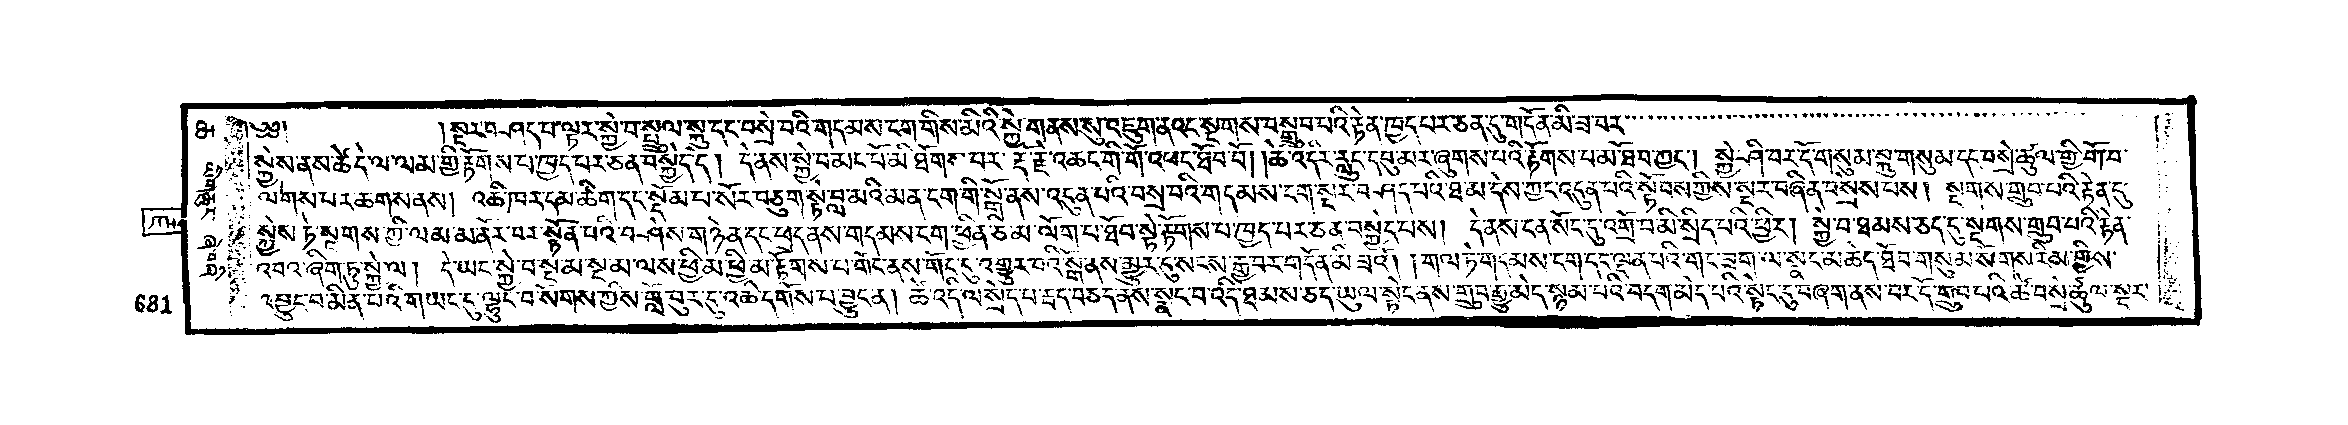༄༅། །སྔར་བཤད་པ་ལྟར་སྐྱེ་བ་སྤྲུལ་སྐུ་དང་བསྲེ་བའི་གདམས་ངག་གིས་མིའི་སྐྱེ་གནས་སུ་འཇུག་ནའང་སྔགས་བསྒྲུབ་པའི་རྟེན་ཁྱད་པར་ཅན་དུ་གདོན་མི་ཟ་བར་
སྐྱེས་ནས་ཚེ་དེ་ལ་ལམ་གྱི་རྟོགས་པ་ཁྱད་པར་ཅན་བསྐྱེད་དེ། དེ་ནས་སྐྱེ་བ་མང་པོ་མི་ཐོགས་པར་རྡོ་རྗེ་འཆང་གི་གོ་འཕང་ཐོབ་བོ། །ཚེ་འདིར་རླུང་དབུ་མར་ཞུགས་པའི་རྟོགས་པ་མ་ཐོབ་ཀྱང་། སྐྱེ་ཤི་བར་དོ་གསུམ་སྐུ་གསུམ་དང་བསྲེ་ཚུལ་གྱི་གོ་བ་
ལེགས་པར་ཆགས་ནས། འཆི་ཁར་དམ་ཚིག་དང་སྡོམ་པ་སོར་བཅུག་སྟེ་བླ་མའི་མན་ངག་གི་སྒོ་ནས་འདུན་པའི་བསྲེ་བའི་གདམས་ངག་སྔར་བཤད་པའི་ཐ་མ་དེས་ཀྱང་འདུན་པའི་སྟོབས་ཀྱིས་སྔར་བཞིན་བསྲེས་པས། སྔགས་གྲུབ་པའི་རྟེན་དུ་
སྐྱེས་ཏེ་སྔགས་ཀྱི་ལམ་མ་ནོར་བར་སྟོན་པའི་བཤེས་གཉེན་དང་ཕྲད་ནས་གདམས་ངག་ཕྱིན་ཅི་མ་ལོག་པ་ཐོབ་སྟེ་རྟོགས་པ་ཁྱད་པར་ཅན་བསྐྱེད་པས། དེ་ནས་ངན་སོང་དུ་འགྲོ་བ་མི་སྲིད་པའི་ཕྱིར། སྐྱེ་བ་ཐམས་ཅད་དུ་སྔགས་གྲུབ་པའི་རྟེན་
འབའ་ཞིག་ཏུ་སྐྱེ་ལ། དེ་ཡང་སྐྱེ་བ་སྔ་མ་སྔ་མ་ལས་ཕྱི་མ་ཕྱི་མ་རྟོགས་པ་གོང་ནས་གོང་དུ་འགྱུར་བའི་སྒོ་ནས་མྱུར་དུ་སངས་རྒྱ་བར་གདོན་མི་ཟའོ། །གལ་ཏེ་གདམས་ངག་དང་ལྡན་པའི་གང་ཟག་ལ་སྣང་མཆེད་ཐོབ་གསུམ་སོགས་རིམ་གྱིས་
འབྱུང་བ་མིན་པའི་གཡང་དུ་ལྷུང་བ་སོགས་ཀྱིས་གློ་བུར་དུ་འཆི་དགོས་པ་བྱུང་ན། ཚེ་འདི་ལ་སྲེད་པ་རྦད་བཅད་ནས་སྣང་བ་འདི་ཐམས་ཅད་ཡུལ་སྟེང་ནས་གྲུབ་རྒྱུ་མེད་སྙམ་པའི་བདག་མེད་པའི་སྟེང་དུ་བཞག་ནས་བར་དོ་གྲུབ་པའི་ཚེ་བསྲེ་ཚུལ་སྔར་